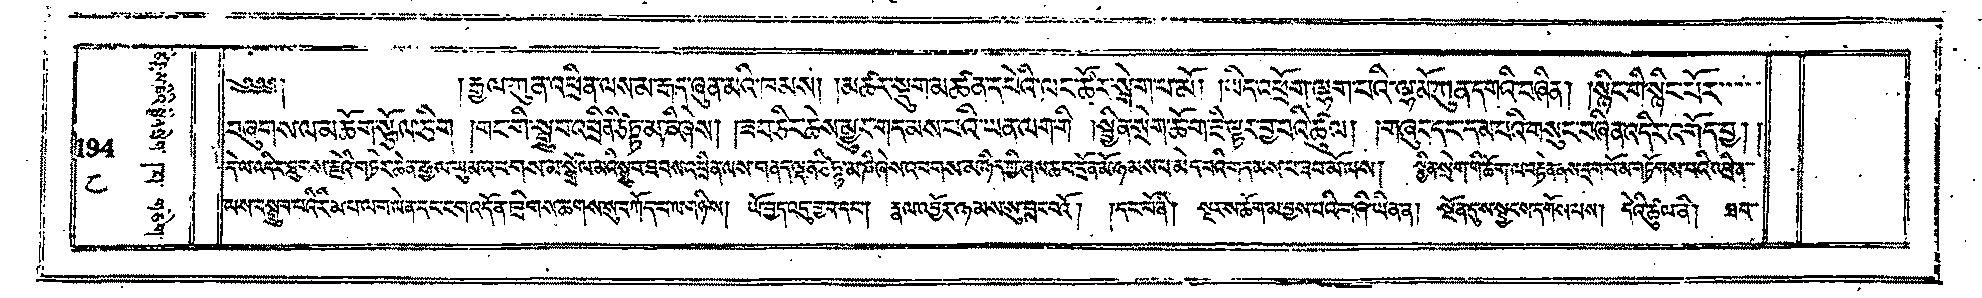༄༅༅། །རྒྱལ་ཀུན་འཕྲིན་ལས་མ་རྒད་ཞུན་མའི་ཁམས། །མཚར་སྡུག་མཚན་དཔེའི་ལང་ཚོར་སྒེག་པ་མོ། །ཡིད་འཕྲོག་ལྷག་པའི་ལྷ་མོ་ཀུན་དགའི་བཞིན། །སྙིང་གི་སྙིང་པོར་་་
བཞུགས་ལ་མཆོག་སྩོལ་ཅིག །གང་གི་སྒྲུབ་འཕྲིན་ཙིཏྟ་མ་ཎི་ཞེས། །ཟབ་ཅིང་ཆེས་མྱུར་གདམས་པའི་ཡན་ལག་གི །སྦྱིན་སྲེག་ཆོ་ག་ཇི་ལྟར་བྱ་བའི་ཚུལ། །གཞུང་དང་དམ་པའི་གསུང་བཞིན་འདིར་འགོད་བྱ། །
དེ་ལ་འདིར་ཐུགས་རྗེའི་གཏེར་ཆེན་རྒྱལ་ཡུམ་འཕགས་མ་སྒྲོལ་མའི་སྒྲུབ་ཐབས་འཕྲིན་ལས་གནད་ལྡན་ཙིཏྟ་མ་ཎི་ཞེས་འཕགས་མ་ཉིད་ཀྱི་ཞལ་ཆབ་དྲོན་མོ་ཉམས་པ་མེད་པའི་གདམས་པ་ཟབ་མོ་ལས། སྦྱིན་སྲེག་གི་ཆོ་ག་ལ་བརྟེན་ནས་དྲག་པོ་མ་གཏོགས་པའི་འཕྲིན་་་
ལས་བསྒྲུབ་པའི་རིམ་པ་ལག་ལེན་དང་ངག་འདོན་ཁྲིགས་ཆགས་སུ་བཀོད་པ་ལ་གཉིས། ཡོ་བྱད་འདུ་བྱ་བ་དང་། རྣལ་འབྱོར་ཉམས་སུ་བླང་བའོ། །དང་པོ་ནི། སྔར་ས་ཆོག་མ་བྱས་པའི་གཞི་ཡིན་ན། སྔོན་དུ་ས་སྦྱངས་དགོས་པས། དེའི་ཚུལ་ནི། ཐབ་་་